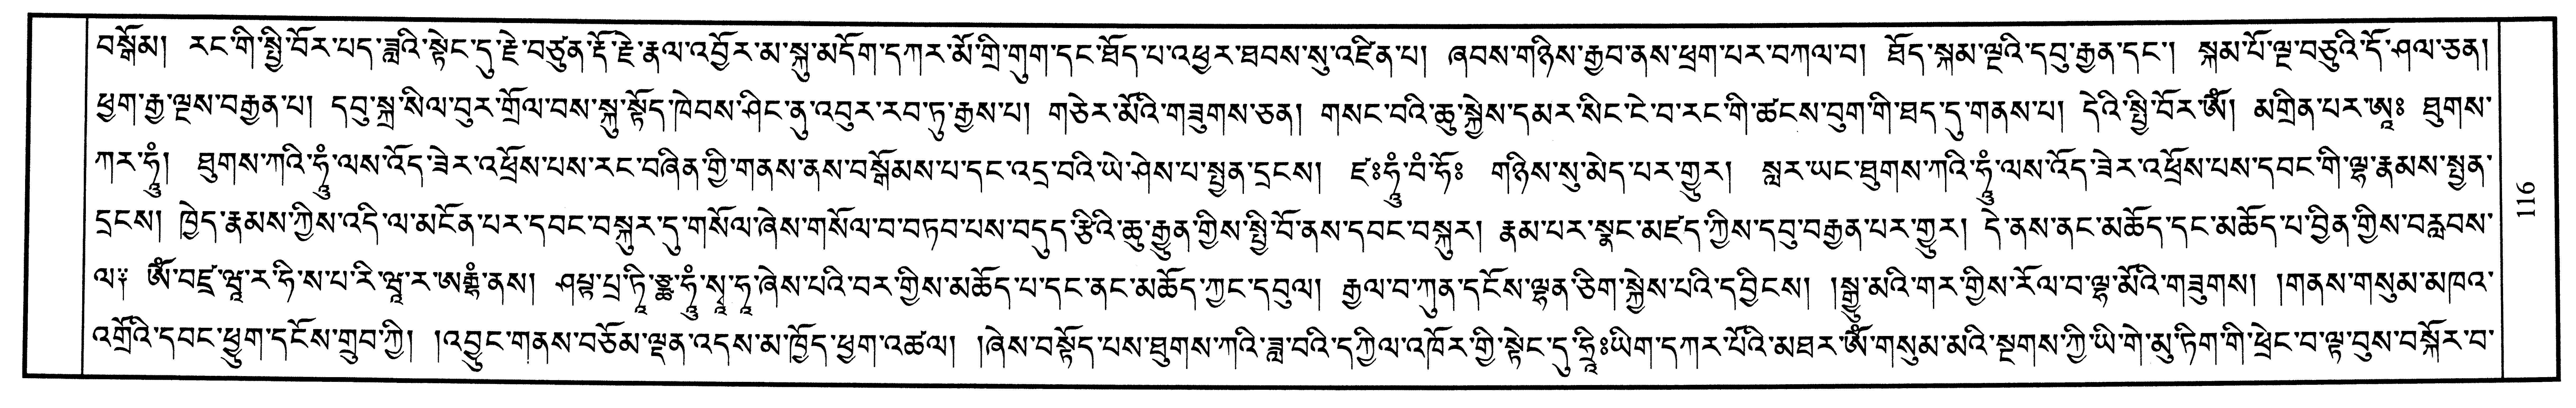བསྒོམ། རང་གི་སྤྱི་བོར་པད་ཟླའི་སྟེང་དུ་རྗེ་བཙུན་རྡོ་རྗེ་རྣལ་འབྱོར་མ་སྐུ་མདོག་དཀར་མོ་གྲི་གུག་དང་ཐོད་པ་འཕྱར་ཐབས་སུ་འཛིན་པ། ཞབས་གཉིས་རྒྱབ་ནས་ཕྲག་པར་བཀལ་བ། ཐོད་སྐམ་ལྔའི་དབུ་རྒྱན་དང་། སྐམ་པོ་ལྔ་བཅུའི་དོ་ཤལ་ཅན།
ཕྱག་རྒྱ་ལྔས་བརྒྱན་པ། དབུ་སྐྲ་སིལ་བུར་གྲོལ་བས་སྐུ་སྟོད་ཁེབས་ཤིང་ནུ་འབུར་རབ་ཏུ་རྒྱས་པ། གཅེར་མོའི་གཟུགས་ཅན། གསང་བའི་ཆུ་སྐྱེས་དམར་སིང་ངེ་བ་རང་གི་ཚངས་བུག་གི་ཐད་དུ་གནས་པ། དེའི་སྤྱི་བོར་ཨོཾ། མགྲིན་པར་ཨཱཿ ཐུགས་
ཀར་ཧཱུཾ། ཐུགས་ཀའི་ཧཱུཾ་ལས་འོད་ཟེར་འཕྲོས་པས་རང་བཞིན་གྱི་གནས་ནས་བསྒོམས་པ་དང་འདྲ་བའི་ཡེ་ཤེས་པ་སྤྱན་དྲངས། ཛཿ ཧཱུཾ་བཾ་ཧོཿ གཉིས་སུ་མེད་པར་གྱུར། སླར་ཡང་ཐུགས་ཀའི་ཧཱུཾ་ལས་འོད་ཟེར་འཕྲོས་པས་དབང་གི་ལྷ་རྣམས་སྤྱན་
དྲངས། ཁྱེད་རྣམས་ཀྱིས་འདི་ལ་མངོན་པར་དབང་བསྐུར་དུ་གསོལ་ཞེས་གསོལ་བ་བཏབ་པས་བདུད་རྩིའི་ཆུ་རྒྱུན་གྱིས་སྤྱི་བོ་ནས་དབང་བསྐུར། རྣམ་པར་སྣང་མཛད་ཀྱིས་དབུ་བརྒྱན་པར་གྱུར། དེ་ནས་ནང་མཆོད་དང་མཆོད་པ་བྱིན་གྱིས་བརླབས་
ལ༑ ཨོཾ་བཛྲ་ཝཱ་ར་ཧི་ས་པ་རི་ཝཱ་ར་ཨརྒྷཾ་ནས། ཤཔྟ་པྲ་ཏཱི་ཙྪ་ཧཱུཾ་སྭཱཧཱ་ཞེས་པའི་བར་གྱིས་མཆོད་པ་དང་ནང་མཆོད་ཀྱང་དབུལ། རྒྱལ་བ་ཀུན་དངོས་ལྷན་ཅིག་སྐྱེས་པའི་དབྱིངས། །སྒྱུ་མའི་གར་གྱིས་རོལ་བ་ལྷ་མོའི་གཟུགས། །གནས་གསུམ་མཁའ་
འགྲོའི་དབང་ཕྱུག་དངོས་གྲུབ་ཀྱི། །འབྱུང་གནས་བཅོམ་ལྡན་འདས་མ་ཁྱོད་ཕྱག་འཚལ། །ཞེས་བསྟོད་པས་ཐུགས་ཀའི་ཟླ་བའི་དཀྱིལ་འཁོར་གྱི་སྟེང་དུ་ཧྲཱིཿ ཡིག་དཀར་པོའི་མཐར་ཨོཾ་གསུམ་མའི་སྔགས་ཀྱི་ཡི་གེ་མུ་ཏིག་གི་ཕྲེང་བ་ལྟ་བུས་བསྐོར་བ་